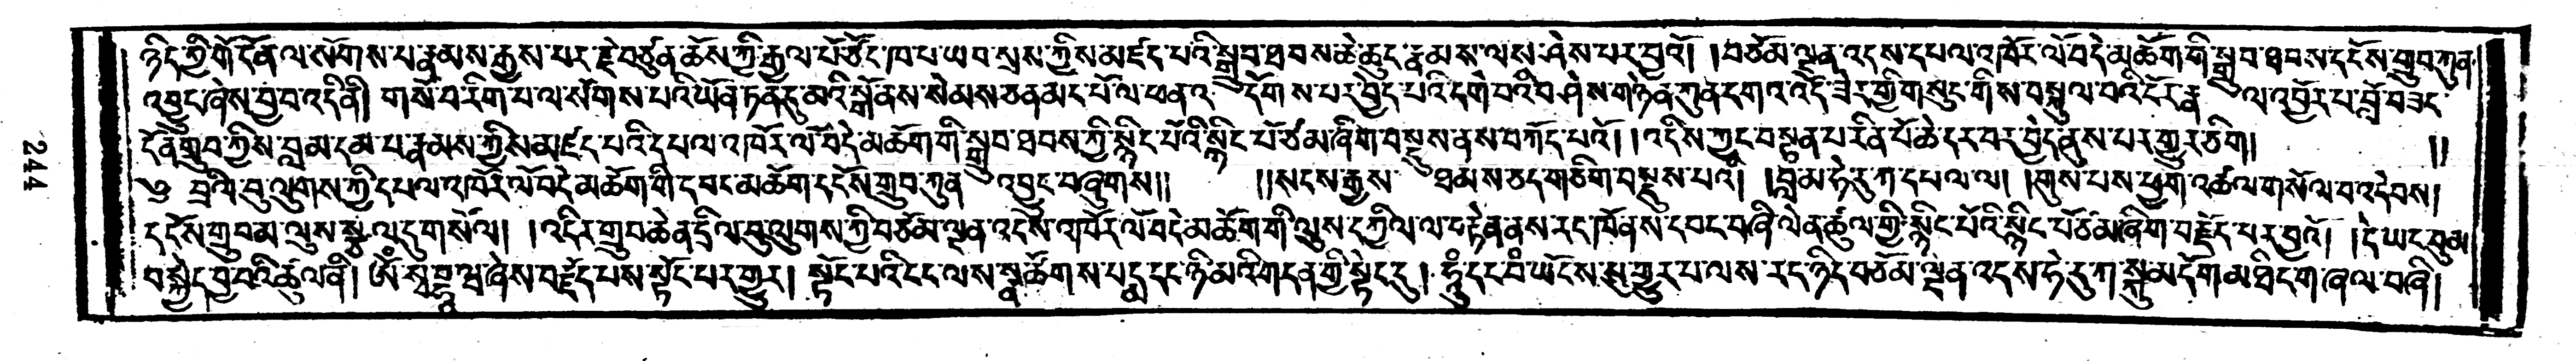ཉིད་ཀྱི་གོ་དོན་ལ་སོགས་པ་རྣམས་རྒྱས་པར་རྗེ་བཙུན་ཆོས་ཀྱི་རྒྱལ་པོ་ཙོང་ཁ་པ་ཡབ་སྲས་ཀྱིས་མཛད་པའི་སྒྲུབ་ཐབས་ཆེ་ཆུང་རྣམས་ལས་ཤེས་པར་བྱའོ། །བཅོམ་ལྡན་འདས་དཔལ་འཁོར་ལོ་བདེ་མཆོག་གི་སྒྲུབ་ཐབས་དངོས་གྲུབ་ཀུན་
འབྱུང་ཞེས་བྱ་བ་འདི་ནི། གསོ་བ་རིག་པ་ལ་སོགས་པའི་ཡོན་ཏན་དུ་མའི་སྒོ་ནས་སེམས་ཅན་མང་པོ་ལ་ཕན་འདོགས་པར་བྱེད་པའི་དགེ་བའི་བཤེས་གཉེན་ཀུན་དགའ་འོད་ཟེར་གྱི་གསུང་གིས་བསྐུལ་བའི་ངོར་རྣལ་འབྱོར་པ་བློ་བཟང་
དོན་གྲུབ་ཀྱིས་བླ་མ་དམ་པ་རྣམས་ཀྱིས་མཛད་པའི་དཔལ་འཁོར་ལོ་བདེ་མཆོག་གི་སྒྲུབ་ཐབས་ཀྱི་སྙིང་པོའི་སྙིང་པོ་ཙམ་ཞིག་བསྡུས་ནས་བཀོད་པའོ། །འདིས་ཀྱང་བསྟན་པ་རིན་པོ་ཆེ་དར་བར་བྱེད་ནུས་པར་གྱུར་ཅིག། །།
༈ བྲིལ་བུ་ལུགས་ཀྱི་དཔལ་འཁོར་ལོ་བདེ་མཆོག་གི་དབང་མཆོག་དངོས་གྲུབ་ཀུན་འབྱུང་བཞུགས།། །།སངས་རྒྱས་ཐམས་ཅད་གཅིག་བསྡུས་པའི། །བླ་མ་ཧེ་རུ་ཀ་དཔལ་ལ། །གུས་པས་ཕྱག་འཚལ་གསོལ་བ་འདེབས།
དངོས་གྲུབ་མ་ལུས་སྩལ་དུ་གསོལ། །འདིར་གྲུབ་ཆེན་དྲིལ་བུ་ལུགས་ཀྱི་བཅོམ་ལྡན་འདས་འཁོར་ལོ་བདེ་མཆོག་གི་ལུས་དཀྱིལ་ལ་བརྟེན་ནས་རང་ཁོ་ནས་དབང་བཞི་ལེན་ཚུལ་གྱི་སྙིང་པོའི་སྙིང་པོ་ཙམ་ཞིག་བརྗོད་པར་བྱའོ། །དེ་ཡང་བུམ་
བསྐྱེད་བྱ་བའི་ཚུལ་ནི། ཨོཾ་སྭ་བྷཱ་ཝ་ཞེས་བརྗོད་པས་སྟོང་པར་གྱུར། སྟོང་པའི་ངང་ལས་སྣ་ཚོགས་པདམ་དང་ཉི་མའི་གདན་གྱི་སྟེང་དུ། ཧཱུཾ་དང་བཾ་ཡོངས་སུ་གྱུར་པ་ལས་རང་ཉིད་བཅོམ་ལྡན་འདས་ཧེ་རུ་ཀ་སྐུ་མདོག་མཐིང་གཞལ་བཞི།